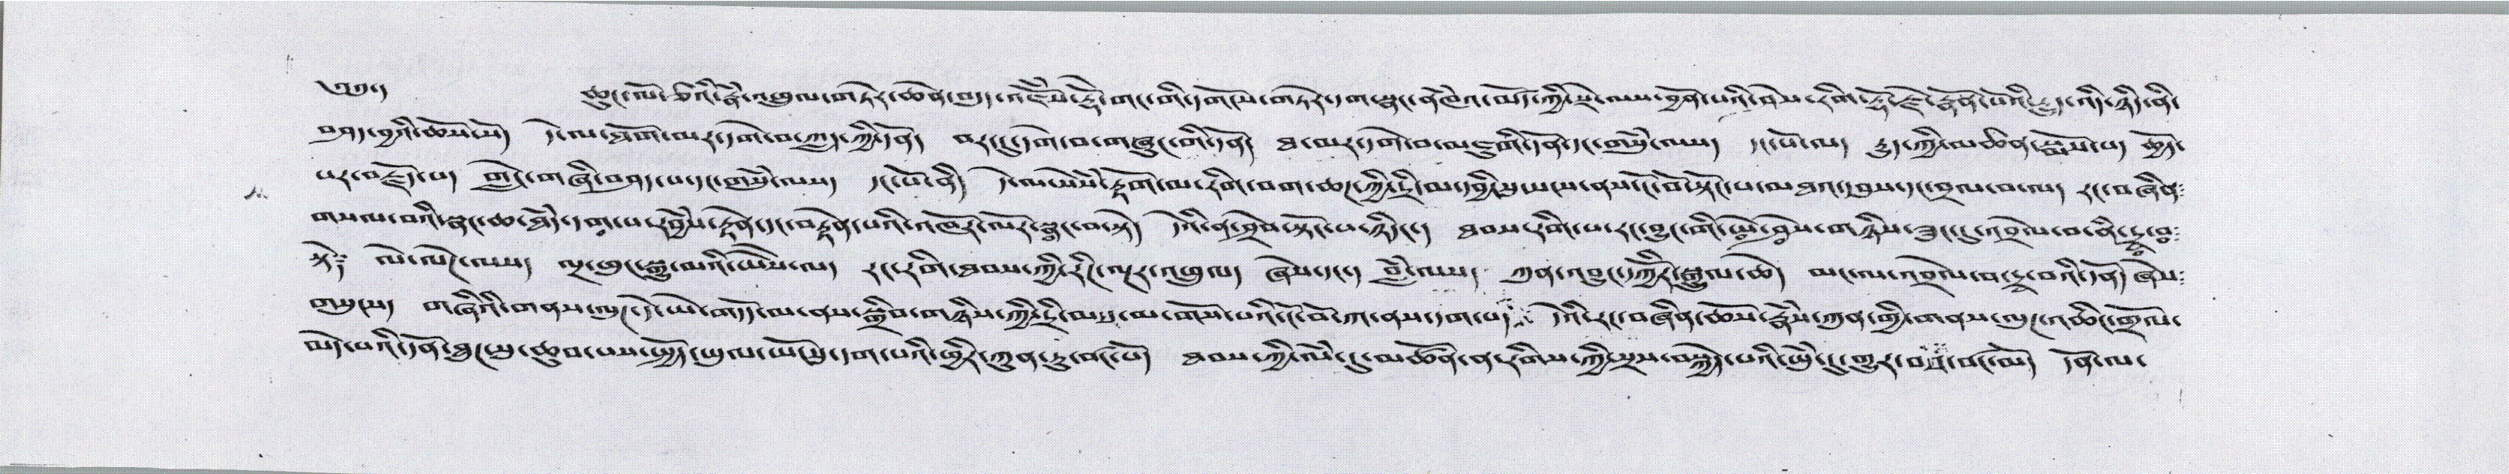ཆུང་ལོ་ཙའི་རྣམ་འཕྲུལ་གཏེར་ཆེན་བདུད་འཇོམས་རྡོ་རྗེ་གང་གི་དགོངས་གཏེར་དག་སྣང་ནམ་མཁའ་མཛོད་ཀྱི་སྡེ་ལས་བྱོན་པའི་ཤེས་རིག་རྡོ་རྗེ་རྣོན་པོའི་རྒྱུད་འདི་ཉིད་ནི་
བཤད་བྱའི་ཆོས་ཡོད། དེ་ལ་ཐོག་མར་དགེ་བ་ཀླད་ཀྱི་དོན། བར་དུ་དགེ་བ་གཞུང་གི་དོན། ཐ་མར་དགེ་བ་མཇུག་གི་དོན་དང་གསུམ་ལས། དང་པོ་ལ། རྒྱུད་ཀྱི་མཚན་སྨོས་པ། མཆོད་
པར་བརྗོད་པ། གླེང་གཞི་བཤད་པ་དང་གསུམ་ལས། དང་པོ་ནི། དེ་ལ་སེམས་རྟོག་མ་རིག་བག་ཆགས་ཀྱི་དྲི་མ་དབྱིངས་སུ་སངས་ནས་ངོ་བོ་སྟོང་པ་མཐའ་དབུས་དང་བྲལ་བ་ལ། རང་བཞིན་
གསལ་བའི་སྣང་ཆ་ཐམས་ཅད་དག་པ་རབ་འབྱམས་རྟེན་དང་བརྟེན་པའི་འཁོར་ལོར་སྣང་བ་སྟེ། དེའི་ན་ཤེས་རབ་སྟོང་པ་ཉིད་དང། ཐབས་རིག་པ་རང་བྱུང་གི་ཡེ་ཤེས་གཉིས་ཟུང་དུ་འབྲེལ་བ་ནི་དྲྭ་བ་། 
སྟོ། ལེ་ལེགས་ལས། ལྔ་ཕུང་སྒྱུ་མའི་ཡེ་ཤེས་ལ། རང་རིག་ཐབས་ཀྱི་རིགས་ལྔར་འཕྲུལ། ཞེས་དང། བླ་མ་ལས། ཀུན་འབྱུང་དཀྱིལ་འཁོར་སྒྱུ་འཕྲུལ་ཆེ། མང་ལ་འབྲེལ་བ་དྲྭ་བའི་དོན། ཞེས་
གསུངས། གཞིའི་གནས་ལུགས་དེ་ཡེ་གདོད་མ་ནས་སྒྲིབ་གཉིས་ཀྱི་དྲི་མས་མ་གོས་པའི་ངོ་བོ་ཀ་ནས་དག་པ། དེའི་རང་བཞིན་ཆོས་རྣམས་ཀུན་གྱི་གནས་ལུགས་འཆིང་གྲོལ་
མེད་པའི་དོན་ཐུགས་སུ་ཆུབ་པས་སྤྱོད་ཡུལ་ཡོངས་སུ་དག་པའི་ཕྱིར་ཀུན་ཏུ་བཟང་པོ། ཐབས་ཀྱི་ལམ་དུ་མཚོན་ན་རིགས་ཀྱི་སྲས་བསྐྱེད་པའི་ཡུམ་དུ་གྱུར་བ་བཟང་མོ། དོན་ལ་